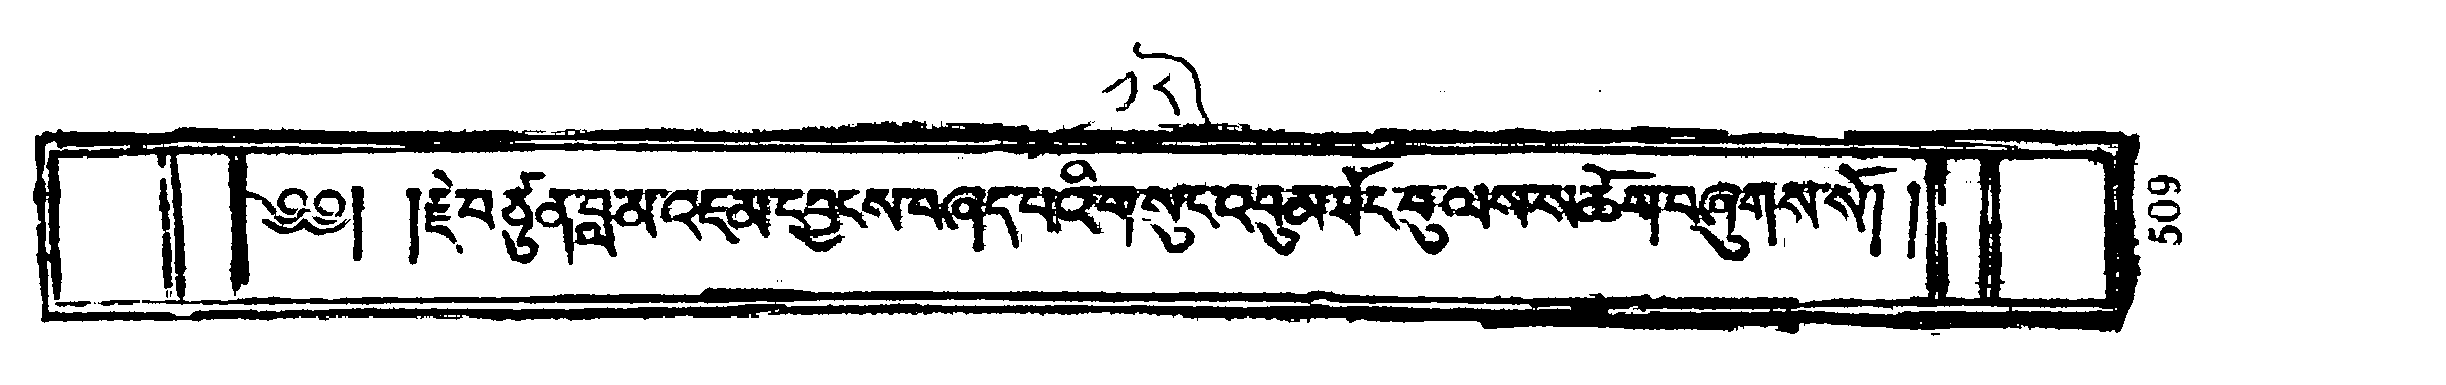༄༅། །རྗེ་བཙུན་བླ་མ་འཇམ་དབྱངས་བཞད་པའི་གསུང་འབུམ་ཐོར་བུ་ལས་ས་ཆོག་བཞུགས་སོ། །